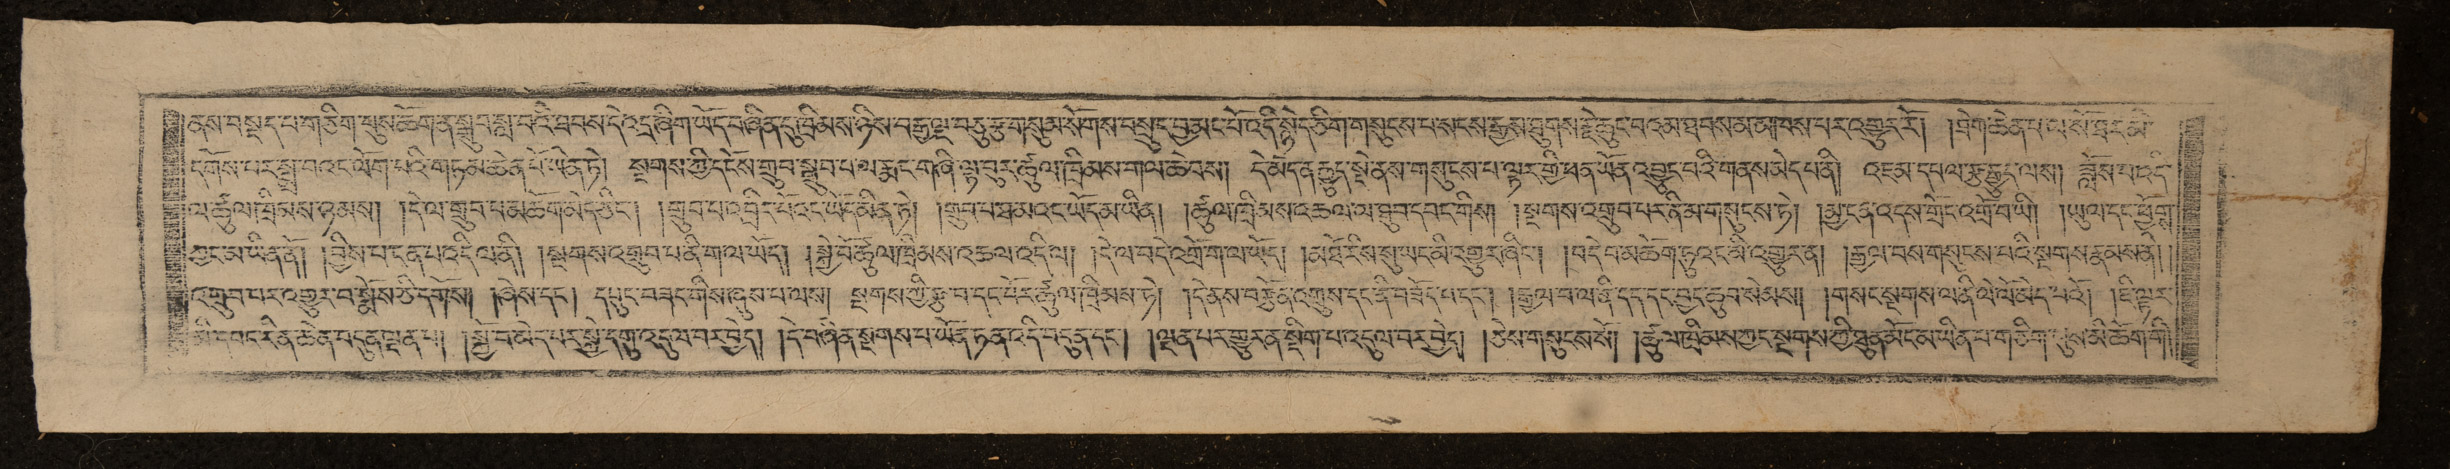ནས་བསྡད་བ་གཅིག་པུས་ཆོག་ན་སྒྲུབ་སླ་བའི་ཐབས་དེ་འདྲ་ཞིག་ཡོད་བཞིན་དུ་ཁྲིམས་ཉིས་བརྒྱ་ལྔ་བཅུ་རྩ་གསུམ་སོགས་བསྲུང་བྱ་མང་བོ་འདི་སྙེད་ཅིག་གསུངས་པ་སངས་རྒྱས་ཐུགས་རྗེ་ཆུང་བའམ་མ་ཐབས་མ་མཁས་པར་འགྱུར་རོ། །ཐེག་ཆེན་པ་ལ་སོ་ཐར་མི་
དགོས་བར་སྨྲ་བའང་ལོག་པའི་གཏམ་ཆེན་པོ་ཡིན་ཏེ། སྔགས་ཀྱི་དངོས་ལྕུ་བསྒྲུབ་བ་ལ་རྨང་གཞི་ལྟ་བུར་ཚུལ་ཁྲིམས་གལ་ཆེ་བས། དེ་མེད་ན་རྒྱུད་སྡེ་ནས་གསུངས་བ་ལྟར་གྱི་ཕན་ཡོན་འབྱུང་བའི་གནས་མེད་བ་ནི། འཇམ་དཔལ་རྩ་རྒྱུད་ཡས། ཟློས་པ་འདི་
ལ་ཚུལ་ཁྲིམས་ཉམས། །དེ་ལ་གྲུབ་པ་མཆོག་མེད་ཅིང་། །གྲུབ་བ་འབྲིང་པོའང་ཡོད་མིན་ཏེ། །གྲུབ་པ་ཐ་མའང་ཡོད་མ་ཡིན། །ཚུལ་ཁྲིམས་འཆལ་ལ་ཐུབ་དབང་གིས། །སྔགས་འགྲུབ་བར་ནི་མ་གསུངས་ཏེ། །མྱང་ན་འདས་གྲོང་འགྲོ་བ་ཡི། །ཡུལ་དང་ཕྱོགས་
ཀྱང་མ་ཡིན་ནོ། །བྱིས་བ་ངན་བ་འདི་ལ་ནི། །སྔགས་འགྲུབ་པ་ནི་ག་ལ་ཡོད། །སྐྱེ་བོ་ཚུལ་ཁྲིམས་འཆལ་འདི་ལ། །དེ་ལ་བདེ་འགྲོག་ལ་ཡོད། །མཐོ་རིས་སུ་ཡང་མི་འགྱུར་ཞིང་། །བདེ་བ་མཆོག་ཏུའང་མི་འགྱུར་ན། །རྒྱལ་བས་གསུངས་བའི་སྔགས་རྣམས་ནི།
འགྲུབ་པར་འགྱུར་བ་སྨོས་ཅི་དགོས། །ཞེས་དང་། དབུང་བཟང་གིས་ཞུས་བ་ལས། སྔགས་ཀྱི་རྩ་བ་དང་པོར་ཚུལ་ཁྲིམས་ཏེ། །དེ་ནས་བརྩོན་འགྲུས་དང་ནི་བཟོད་བ་དང་། །རྒྱལ་བ་ལ་ནི་དད་དང་བྱང་ཆུབ་སེམས། །གསང་སྔགས་ལ་ནི་དེ་ལོ་མེད་བའོ། །ཇི་ལྟར་
མི་དབང་རིན་ཆེན་བདུན་ལྡན་པ། །སྐྱེ་བ་མེད་བར་སྐྱེ་དགུ་འདུལ་བར་བྱེད། །དེ་བཞིན་སྔགས་པ་ཡོན་ཏན་འདི་འདུན་དང་། །ལྡན་བར་གྱུར་ན་སྡིག་པ་འདུལ་པར་བྱེད། །ཅེས་གསུངས་སོ། །ཚུལ་ཁྲིམས་ཀྱང་སྔགས་ཀྱི་ཐུན་མོང་མ་ཡིན་པ་གཅིག་པུས་མི་ཆོག་གི།